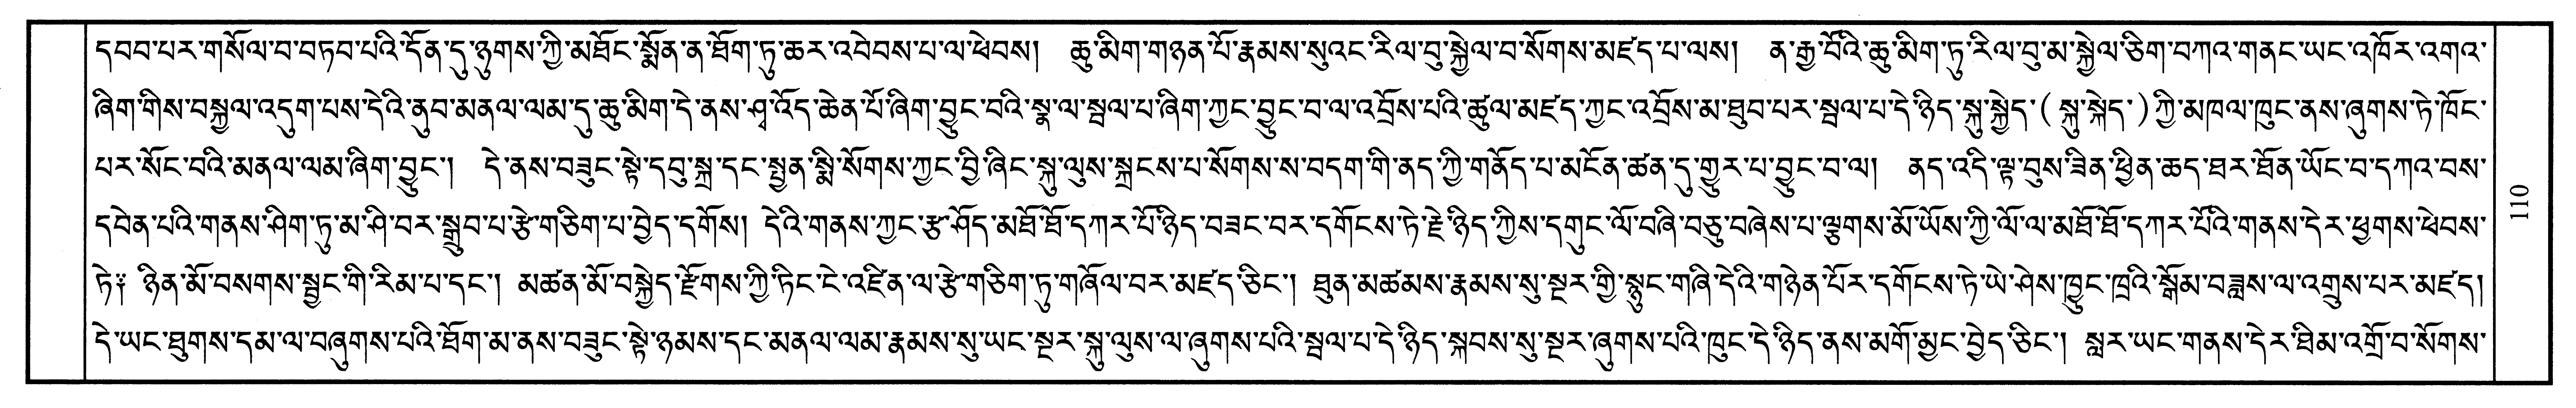དབབ་པར་གསོལ་བ་བཏབ་པའི་དོན་དུ་ཉུགས་ཀྱི་མཐོང་སྨོན་ན་ཐོག་ཏུ་ཆར་འབེབས་པ་ལ་ཕེབས། ཆུ་མིག་གཉན་པོ་རྣམས་སུའང་རིལ་བུ་སྐྱེལ་བ་སོགས་མཛད་པ་ལས། ན་རྒྱ་བོའི་ཆུ་མིག་ཏུ་རིལ་བུ་མ་སྐྱེལ་ཅིག་བཀའ་གནང་ཡང་འཁོར་འགའ་
ཞིག་གིས་བསྐྱལ་འདུག་པས་དེའི་ནུབ་མནལ་ལམ་དུ་ཆུ་མིག་དེ་ནས་ཤྭ་འོད་ཆེན་པོ་ཞིག་བྱུང་བའི་སྣ་ལ་སྦལ་པ་ཞིག་ཀྱང་བྱུང་བ་ལ་འབྲོས་པའི་ཚུལ་མཛད་ཀྱང་འབྲོས་མ་ཐུབ་པར་སྦལ་པ་དེ་ཉིད་སྐུ་སྐྱེད། སྐུ་སྐེད་ཀྱི་མཁལ་ཁུང་ནས་ཞུགས་ཏེ་ཁོང་
པར་སོང་བའི་མནལ་ལམ་ཞིག་བྱུང་། དེ་ནས་བཟུང་སྟེ་དབུ་སྐྲ་དང་སྤྱན་སྨི་སོགས་ཀྱང་བྱི་ཞིང་སྐུ་ལུས་སྐྲངས་པ་སོགས་ས་བདག་གི་ནད་ཀྱི་གནོད་པ་མངོན་ཚན་དུ་གྱུར་པ་བྱུང་བ་ལ། ནད་འདི་ལྟ་བུས་ཟིན་ཕྱིན་ཆད་ཐར་ཐོན་ཡོང་བ་དཀའ་བས་
དབེན་པའི་གནས་ཤིག་ཏུ་མ་ཤི་བར་སྒྲུབ་པ་རྩེ་གཅིག་པ་བྱེད་དགོས། དེའི་གནས་ཀྱང་རྩ་ཤོད་མཐོ་ཐོ་དཀར་པོ་ཉིད་བཟང་བར་དགོངས་ཏེ་རྗེ་ཉིད་ཀྱིས་དགུང་ལོ་བཞི་བཅུ་བཞེས་པ་ལྕགས་མོ་ཡོས་ཀྱི་ལོ་ལ་མཐོ་ཐོ་དཀར་པོའི་གནས་དེར་ཕྱགས་ཕེབས་
ཏེ༑ ཉིན་མོ་བསགས་སྦྱང་གི་རིམ་པ་དང་། མཚན་མོ་བསྐྱེད་རྫོགས་ཀྱི་ཏིང་ངེ་འཛིན་ལ་རྩེ་གཅིག་ཏུ་གཞོལ་བར་མཛད་ཅིང་། ཐུན་མཚམས་རྣམས་སུ་སྔར་གྱི་སྙུང་གཞི་དེའི་གཉེན་པོར་དགོངས་ཏེ་ཡེ་ཤེས་ཁྱུང་ཁྲའི་སྒོམ་བཟླས་ལ་འགྲུས་པར་མཛད།
དེ་ཡང་ཐུགས་དམ་ལ་བཞུགས་པའི་ཐོག་མ་ནས་བཟུང་སྟེ་ཉམས་དང་མནལ་ལམ་རྣམས་སུ་ཡང་སྔར་སྐུ་ལུས་ལ་ཞུགས་པའི་སྦལ་པ་དེ་ཉིད་སྐབས་སུ་སྔར་ཞུགས་པའི་ཁུང་དེ་ཉིད་ནས་མགོ་མྱང་བྱེད་ཅིང་། སླར་ཡང་གནས་དེར་ཐིམ་འགྲོ་བ་སོགས་